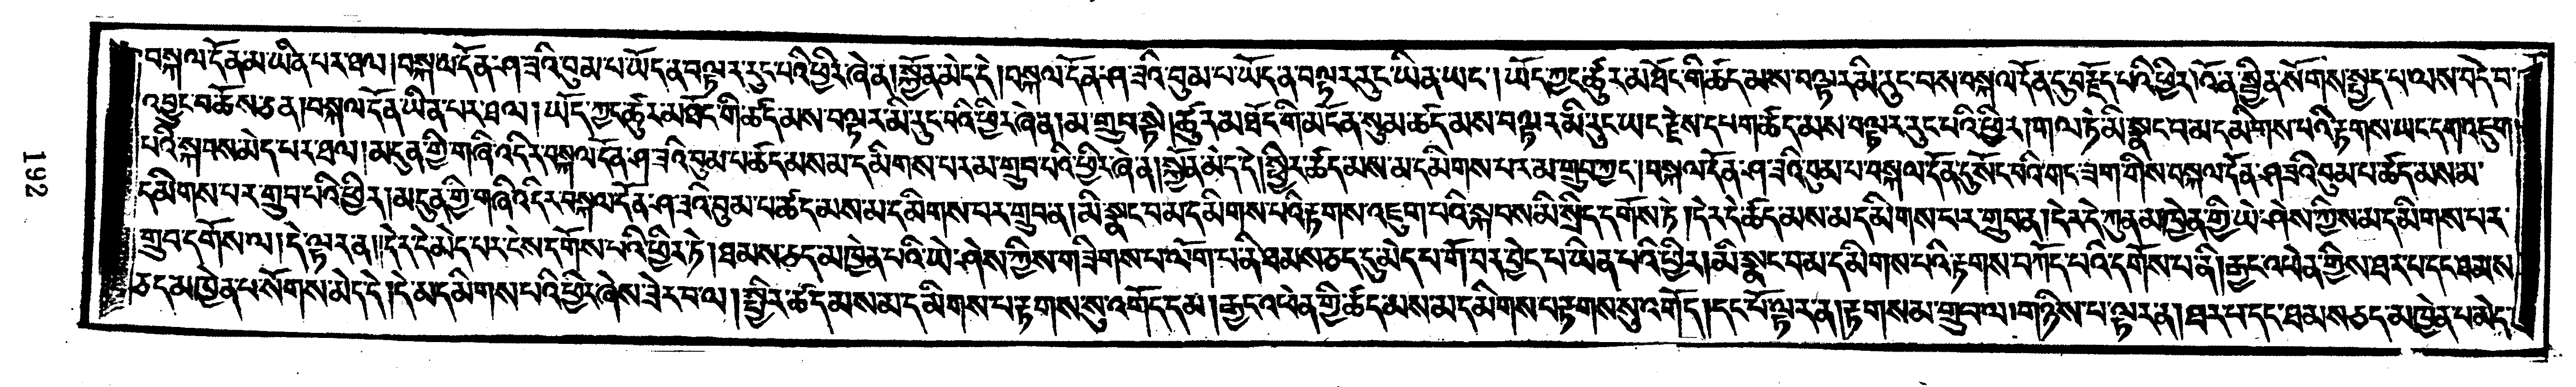བསྐལ་དོན་མ་ཡིན་པར་ཐལ། བསྐལ་དོན་ཤ་ཟའི་བུམ་པ་ཡོད་ན་བལྟར་རུང་བའི་ཕྱིར་ཞེ་ན། སྐྱོན་མེད་དེ། བསྐལ་དོན་ཤ་ཟའི་བུམ་པ་ཡོད་ན་བལྟར་རུང་ཡིན་ཡང་། ཡོད་ཀྱང་ཚུར་མཐོང་གི་ཚད་མས་བལྟར་མི་རུང་བས་བསྐལ་དོན་དུ་བརྗོད་པའི་ཕྱིར། འོ་ན་སྦྱིན་སོགས་སྤྱད་པ་ལས་བདེ་བ་
འབྱུང་བ་ཆོས་ཅན། བསྐལ་དོན་ཡིན་པར་ཐལ། ཡོད་ཀྱང་ཚུར་མཐོང་གི་ཚད་མས་བལྟར་མི་རུང་བའི་ཕྱིར་ཞེ་ན། མ་གྲུབ་སྟེ། ཚུར་མཐོང་གི་མངོན་སུམ་ཚད་མས་བལྟར་མི་རུང་ཡང་རྗེས་དཔག་ཚད་མས་བལྟར་རུང་བའི་ཕྱིར། གལ་ཏེ་མི་སྣང་བ་མ་དམིགས་པའི་རྟགས་ཡང་དག་འཇུག་
པའི་སྐབས་མེད་པར་ཐལ། མདུན་གྱི་གཞི་འདིར་བསྐལ་དོན་ཤ་ཟའི་བུམ་པ་ཚད་མས་མ་དམིགས་པར་མ་གྲུབ་པའི་ཕྱིར་ཞེ་ན། སྐྱོན་མེད་དེ། སྤྱིར་ཚད་མས་མ་དམིགས་པར་མ་གྲུབ་ཀྱང་། བསྐལ་དོན་ཤ་ཟའི་བུམ་པ་བསྐལ་དོན་དུ་སོང་བའི་གང་ཟག་གིས་བསྐལ་དོན་ཤ་ཟའི་བུམ་པ་ཚད་མས་མ་
དམིགས་པར་གྲུབ་པའི་ཕྱིར། མདུན་གྱི་གཞི་འདིར་བསྐལ་དོན་ཤ་ཟའི་བུམ་པ་ཚད་མས་མ་དམིགས་པར་གྲུབ་ན། མི་སྣང་བ་མ་དམིགས་པའི་རྟགས་འཇུག་པའི་སྐབས་མི་སྲིད་དགོས་ཏེ། དེར་དེ་ཚད་མས་མ་དམིགས་པར་གྲུབ་ན། དེར་དེ་ཀུན་མཁྱེན་གྱི་ཡེ་ཤེས་ཀྱིས་མ་དམིགས་པར་
གྲུབ་དགོས་ལ། དེ་ལྟར་ན། དེར་དེ་མེད་པར་ངེས་དགོས་པའི་ཕྱིར་ཏེ། ཐམས་ཅད་མཁྱེན་པའི་ཡེ་ཤེས་ཀྱིས་གཟིགས་པ་ལོག་པ་ནི་ཐམས་ཅད་དུ་མེད་པ་གོ་བར་བྱེད་པ་ཡིན་པའི་ཕྱིར། མི་སྣང་བ་མ་དམིགས་པའི་རྟགས་བཀོད་པའི་དགོས་པ་ནི། རྒྱང་འཕེན་གྱིས་ཐར་པ་དང་ཐམས་
ཅད་མཁྱེན་པ་སོགས་མེད་དེ། དེ་མ་དམིགས་པའི་ཕྱིར་ཞེས་ཟེར་བ་ལ། སྤྱིར་ཚད་མས་མ་དམིགས་པ་རྟགས་སུ་འགོད་དམ། རྒྱང་འཕེན་གྱི་ཚད་མས་མ་དམིགས་པ་རྟགས་སུ་འགོད། དང་པོ་ལྟར་ན། རྟགས་མ་གྲུབ་ལ། གཉིས་པ་ལྟར་ན། ཐར་པ་དང་ཐམས་ཅད་མཁྱེན་པ་མེད་